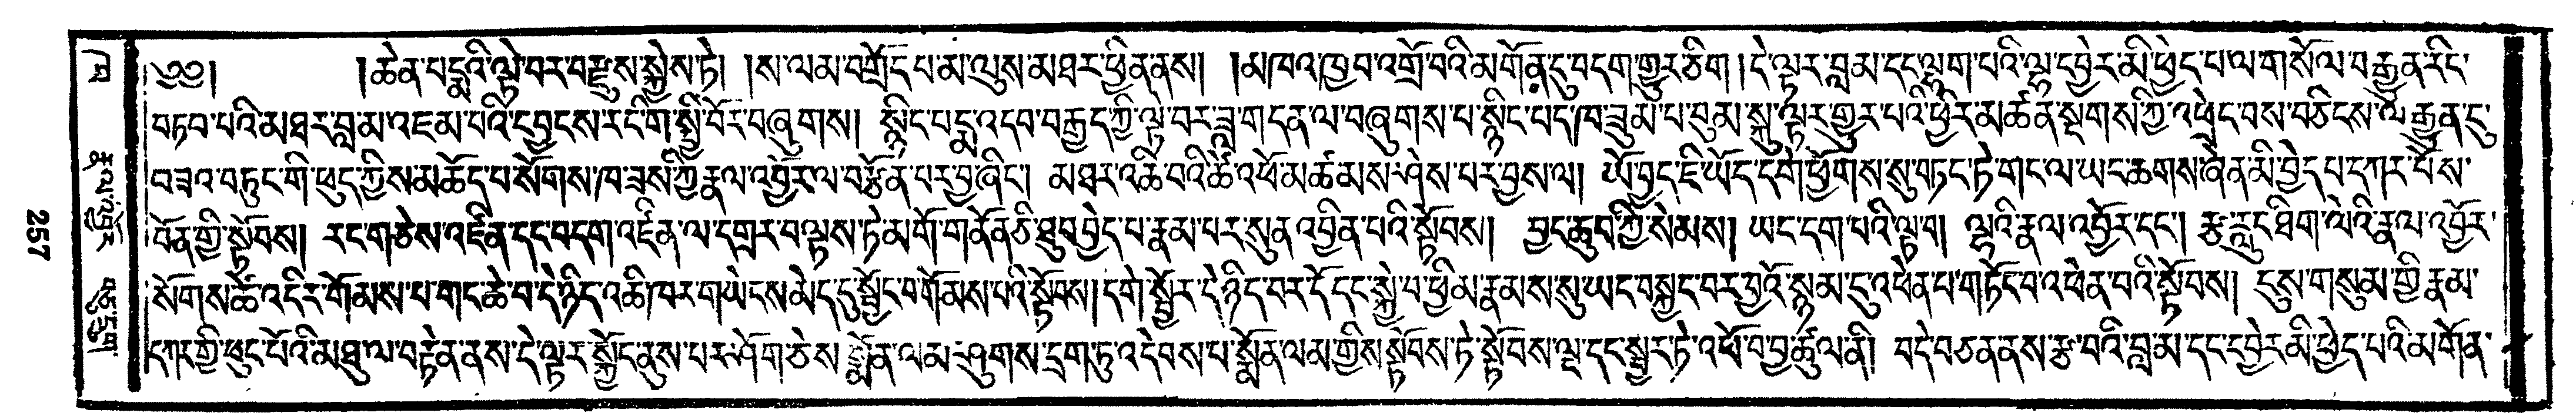༄༅། །ཆེན་པདམའི་ལྟེ་བར་བརྫུས་སྐྱེས་ཏེ། །ས་ལམ་བགྲོད་པ་མ་ལུས་མཐར་ཕྱིན་ནས། །མཁའ་ཁྱབ་འགྲོ་བའི་མགོན་དུ་བདག་གྱུར་ཅིག །དེ་ལྟར་བླ་མ་དང་ལྷག་པའི་ལྷ་དབྱེར་མི་ཕྱེད་པ་ལ་གསོལ་བ་རྒྱུན་རིང་
བཏབ་པའི་མཐར་བླ་མ་འཇམ་པའི་དབྱངས་རང་གི་སྤྱི་བོར་བཞུགས། སྙིང་པདམ་འདབ་བརྒྱད་ཀྱི་ལྟེ་བར་ཟླ་གདན་ལ་བཞུགས་པ་སྙིང་པད་ཁ་ཟུམ་པ་བུམ་སྐུ་ལྟར་གྱུར་པའི་ཕྱིར་མཚན་སྔགས་ཀྱི་འཕྲེང་བས་བཅིངས་ལ་རྒྱུན་དུ་
བཟའ་བཏུང་གི་ཕུད་ཀྱིས་མཆོད་པ་སོགས་ཁ་ཟས་ཀྱི་རྣལ་འབྱོར་ལ་བརྩོན་པར་བྱ་ཞིང་། མཐར་འཆི་བའི་ཚེ་འཕོ་མཚམས་ཤེས་པར་བྱས་ལ། ཡོ་བྱད་ཇི་ཡོད་དགེ་ཕྱོགས་སུ་བཏང་ཏེ་གང་ལ་ཡང་ཆགས་ཞེན་མི་བྱེད་པ་དཀར་པོས་
བོན་གྱི་སྟོབས། རང་གཅེས་འཛིན་དང་བདག་འཛིན་ལ་དགྲར་བལྟས་ཏེ་མགོ་གནོན་ཅི་ཐུབ་བྱེད་པ་རྣམ་པར་སུན་འབྱིན་པའི་སྟོབས། བྱང་ཆུབ་ཀྱི་སེམས། ཡང་དག་པའི་ལྟ་བ། ལྷའི་རྣལ་འབྱོར་དང་། རྩ་རླུང་ཐིག་ལེའི་རྣལ་འབྱོར་
སོགས་ཚེ་འདིར་གོམས་པ་གང་ཆེ་བ་དེ་ཉིད་འཆི་ཁར་གཡེངས་མེད་དུ་སྦྱོང་བ་གོམས་པའི་སྟོབས། དགེ་སྦྱོར་དེ་ཉིད་བར་དོ་དང་སྐྱེ་བ་ཕྱི་མ་རྣམས་སུ་ཡང་བསྐྱང་བར་བྱའོ་སྙམ་དུ་འཕེན་པ་གཏོང་བ་འཕེན་པའི་སྟོབས། དུས་གསུམ་གྱི་རྣམ་
དཀར་གྱི་ཕུང་པོའི་མཐུ་ལ་བརྟེན་ནས་དེ་ལྟར་སྐྱོང་ནུས་པར་ཤོག་ཅེས་སྨོན་ལམ་ཤུགས་དྲག་ཏུ་འདེབས་པ་སྨོན་ལམ་གྱིས་སྟོབས་ཏེ་སྟོབས་ལྔ་དང་སྦྱར་ཏེ་འཕོ་བ་བྱ་ཚུལ་ནི། བདེ་བ་ཅན་ནས་རྩ་བའི་བླ་མ་དང་དབྱེར་མི་ཕྱེད་པའི་མགོན་